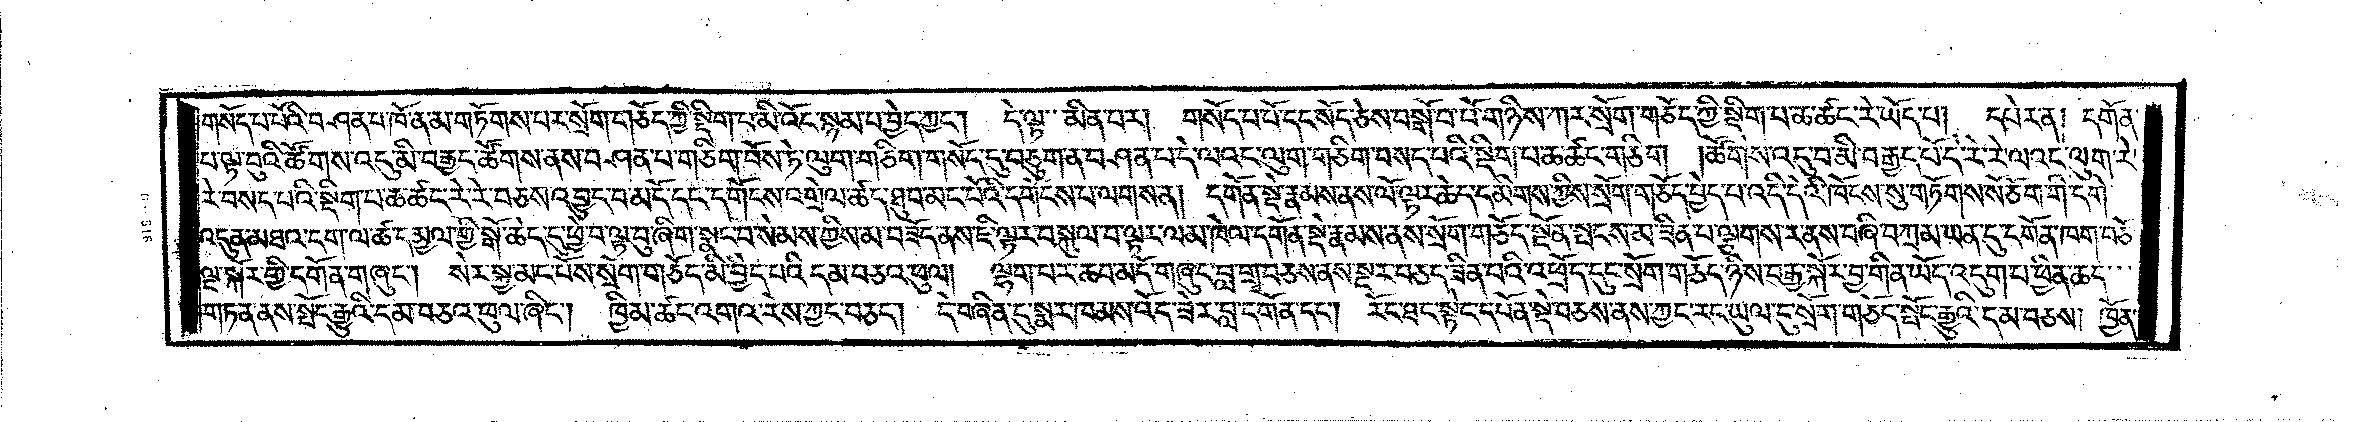གསོད་པ་པོའི་བཤན་པ་ཁོ་ན་མ་གཏོགས་པར་སྲོག་གཅོད་ཀྱི་སྡིག་པ་མི་འོང་སྙམ་པ་བྱེད་ཀྱང་། དེ་ལྟ་མིན་པར། གསོད་པ་པོ་དང་བསོད་ཅེས་བསྒོ་བ་པོ་གཉིས་ཀར་སྲོག་གཅོད་ཀྱི་སྡིག་པ་ཆ་ཚང་རེ་ཡོད་པ། དཔེར་ན། དགོན་
བ་ལྟ་བུའི་ཚོགས་འདུ་མི་བརྒྱད་ཚོགས་ནས་བཤན་པ་གཅིག་བོས་ཏེ་ལུག་གཅིག་གསོད་དུ་བཅུག་ན་བཤན་པ་དེ་ལའང་ལུག་གཅིག་བསད་བའི་སྡིག་པ་ཆ་ཚང་གཅིག །ཚོགས་འདུ་བ་མི་བརྒྱད་པོ་དེ་རེ་རེ་ལའང་ལུག་རེ་
རེ་བསད་པའི་སྡིག་པ་ཆ་ཚང་རེ་རེ་བཅས་འབྱུང་བ་མདོ་དང་དགོངས་འགྲེལ་ཚད་ཐུབ་མང་པོའི་དགོངས་པ་ལགས་ན། དགོན་སྡེ་རྣམས་ནས་ལོ་ལྟར་ཆེད་དམིགས་ཀྱིས་སྲོག་གཅོད་བྱེད་པ་འདི་དེའི་ཁོངས་སུ་གཏོགས་སོ་ཅོག་གི་དགེ་
འདུན་མཐའ་དག་ལ་ཚ་དམྱལ་གྱི་སྒོ་ཆེད་དུ་ཕྱེ་བ་ལྟ་བུ་ཞིག་སྣང་བ་སེམས་ཀྱིས་མ་བཟོད་ནས་ཇི་ལྟར་བསྐུལ་བ་ལྟར་ལམ་ཁེལ་དགོན་སྡེ་རྣམས་ནས་སྲོག་གཅོད་སྔོན་སྤངས་མ་ཟིན་པ་ལྕགས་ར་ནས་བཞི་བཀྲམ་ཡང་དུ་དགོན་ཁག་བཅོ་
ལྔ་སྐོར་གྱི་དགོན་གཞུང་། སེར་སྐྱ་མང་པོས་སྲོག་གཅོད་མི་བྱེད་པའི་དམ་བཅའ་ཕུལ། ལྷག་པར་ཆབ་མདོ་གཞུང་བླ་གྲྭ་བཅས་ནས་སྔར་བཅད་ཟིན་པའི་འཕྲོད་དུང་སྲོག་གཅོད་ཉིས་བརྒྱ་སྐོར་བྱ་གིན་ཡོད་འདུག་པ་ཕྱིན་ཆད་
གཏན་ནས་སྤོང་རྒྱུའི་དམ་བཅའ་ཕུལ་ཞིང་། ཁྱིམ་ཚང་འགའ་རེས་ཀྱང་བཅད། དེ་བཞིན་དུ་སྨར་ཁམས་འོད་ཟེར་བླ་དགོན་དང་། རོང་ཐང་སྟེང་དཔོན་སྡེ་བཅས་ནས་ཀྱང་རང་ཡུལ་དུ་སྲོག་གཅོད་སྤོང་རྒྱུའི་དམ་བཅས། ཁྱོན་